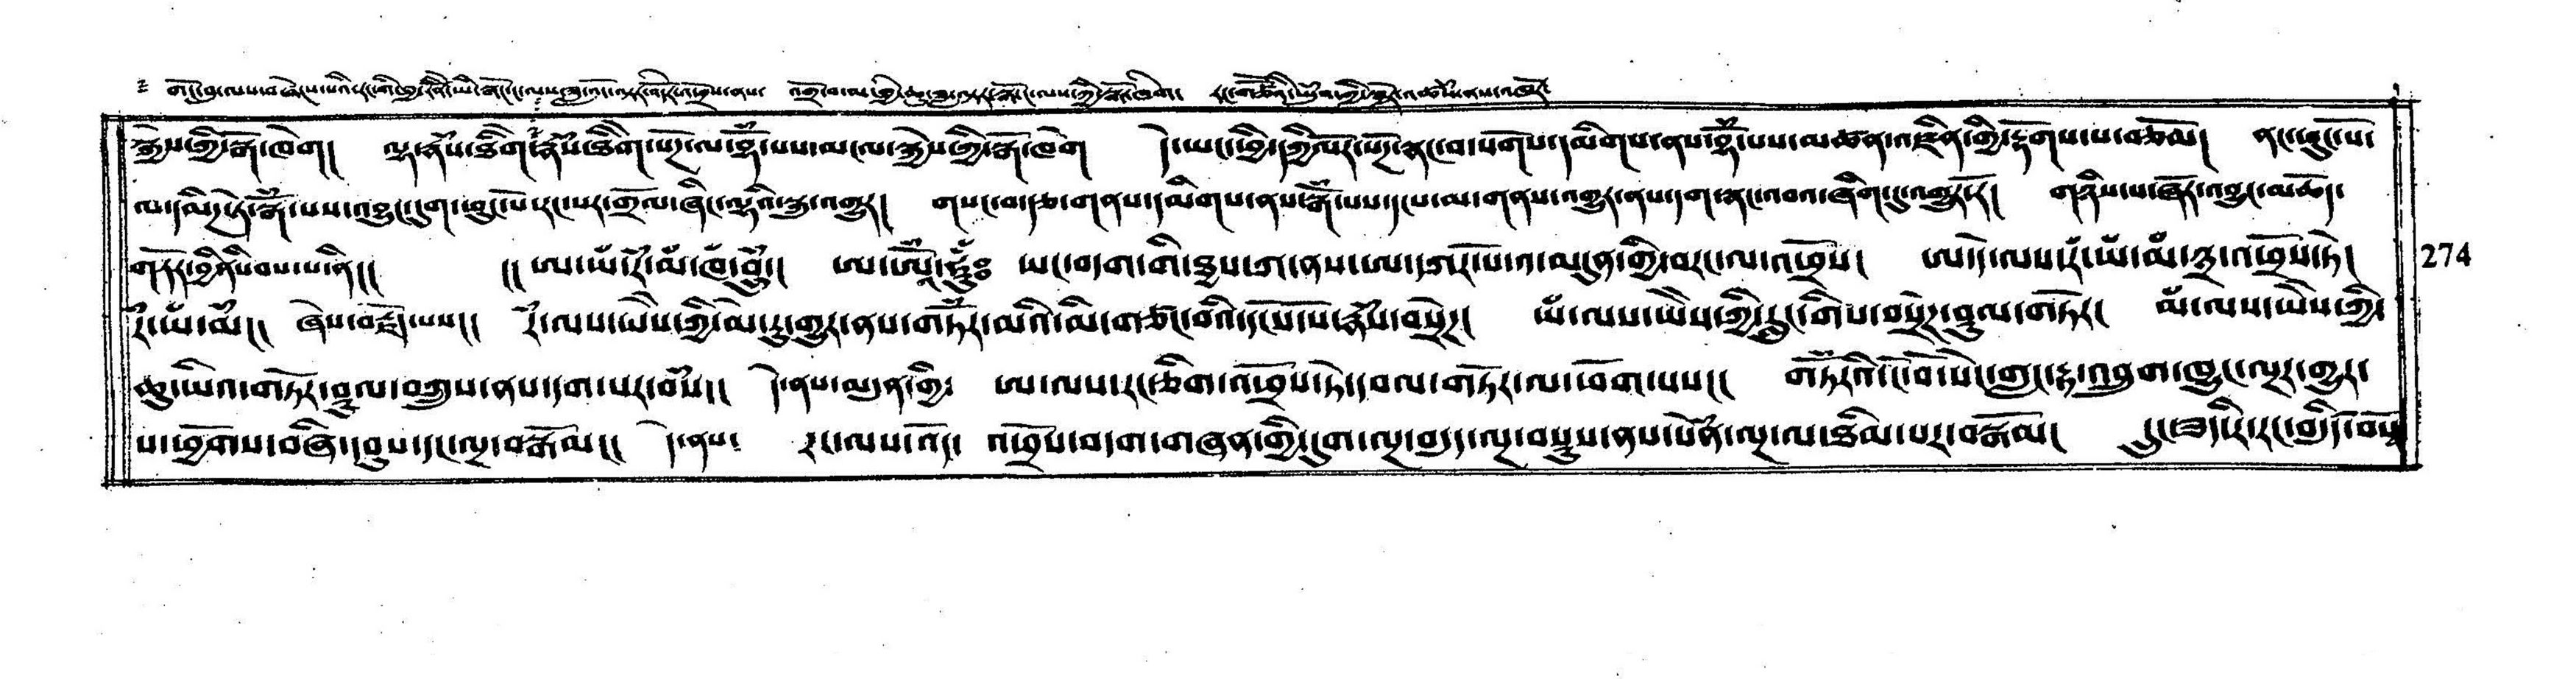སྐྱེས་ཀྱི་སྒོ་ཁེག ལྷ་རྣམས་ཐིག་ལེ་གོང་བུ་ལས་བཞེངས་པའི་རང་གི་ཐུགས་རིན་པོ་ཆེ་ཡི་སྒོང་ང་ལས་ཟླ་འོད་ལྟར་འོད་ཟེར་འཕྲོས་ནས། འགྲོ་བ་ལ་ཐུགས་རྗེ་ཆུ་ཟླ་ལྟར་སྒོ་ང་ལས་ཀྱི་སྒོ་ཁེག། རང་གཙོ་བོའི་ཡབ་ཡུམ་ཀྱི་སྦྱོར་མཚམས་ནས་འཁོར་
རྣམས་ཐིག་ལེ་སོགས་ལ་བསྒོམ་༼བྷོཾ༽་པས་མངལ་སྐྱེས་ཀྱི་སྒོ་ཁེག དེ་ཡང་ཕྱི་དཀྱིལ་འཁོར་སོགས་སྣང་བ་སོགས་དམིགས་ནས་བསྒོམ་༼བྷོཾ༽་པས་མཚན་འཛིན་གྱི་རྟོགས་པ་བཅོམ། ནང་ཕུང་པོ་
ལ་དམིགས་ཏེ་སྒོམ་པས་འབྱུང་དུག་ཕུང་པོ་རང་སར་གྲོལ་ཞིང་ལྷའི་སྐུ་འགྱུར། གསང་བ་རྩ་གནས་དམིགས་ནས་སྒོམ་པས་དངས་མ་གནས་འགྱུར་ནས་དག་སྣང་འབའ་ཞིག་དུ་འགྱུར་རོ། གཉིས་པ་ཞོར་འབྱུང་མཆོད་
གཏོར་བྱིན་གྱིས་བརླབས་པ་ནི།། །།ཨ་ཡཾ་རཾ་མཾ་ཁཾ་བྲུཾ། ཨ་ཨཱོཾ་ཧཱུྃཿ ཡང་བདག་གི་ཐུགས་ཀ་ནས་ཨ་དཀར་པོ་གཅིག་མདུན་གྱི་བར་སྣང་ལ་འཕྲོས། ཨ་དེ་ལས་རཾ་ཡཾ་མཾ་གསུམ་འཕྲོས་ཏེ། 
རཾ་ཡཾ་མཾ།། ཞེས་བརྗོད་པས།། རཾ་ལས་ཡེ་ཤེས་ཀྱི་མེ་རུ་གྱུར་ནས་གཏོར་མ་མའི་མི་གཙང་བའི་དངོས་པོ་རྣམས་བསྲེགས། ཡཾ་ལས་ཡེ་ཤེས་ཀྱི་རླུང་གིས་བསྲེགས་ཤུལ་གཏོར། མཾ་ལས་ཡེ་ཤེས་ཀྱི་
ཆུ་ཡི་གཏོར་ཤུལ་བཀྲུས་ནས་དག་པར་བསམ། དེ་ནས་མདུན་གྱི་ཨ་ལས་རང་ཅིག་འཕྲོས་ཏེ་དབལ་གཏོར་ལ་ཕོག་པས།། གཏོར་མའི་ངོ་བོ་སེང་གླང་རྟ་འབྲུག་ཁྱུང་ལྔར་གྱུར་
པ་ཕྱོགས་བཞི་དབུས་དང་ལྔ་བསྒོམ། དེ་ནས༴ རང་ལས་འོད་འཕྲོས་བདག་གཞན་གྱི་དུག་ལྔ་བདུད་ལྔ་བསྡུས་ནས་སེམས་ཅན་ལྔ་ལ་ཐིམ་པར་བསྒོམ། དྲུང་ཟད་རི་རང་བདུད་རྩི་བསྭོ་